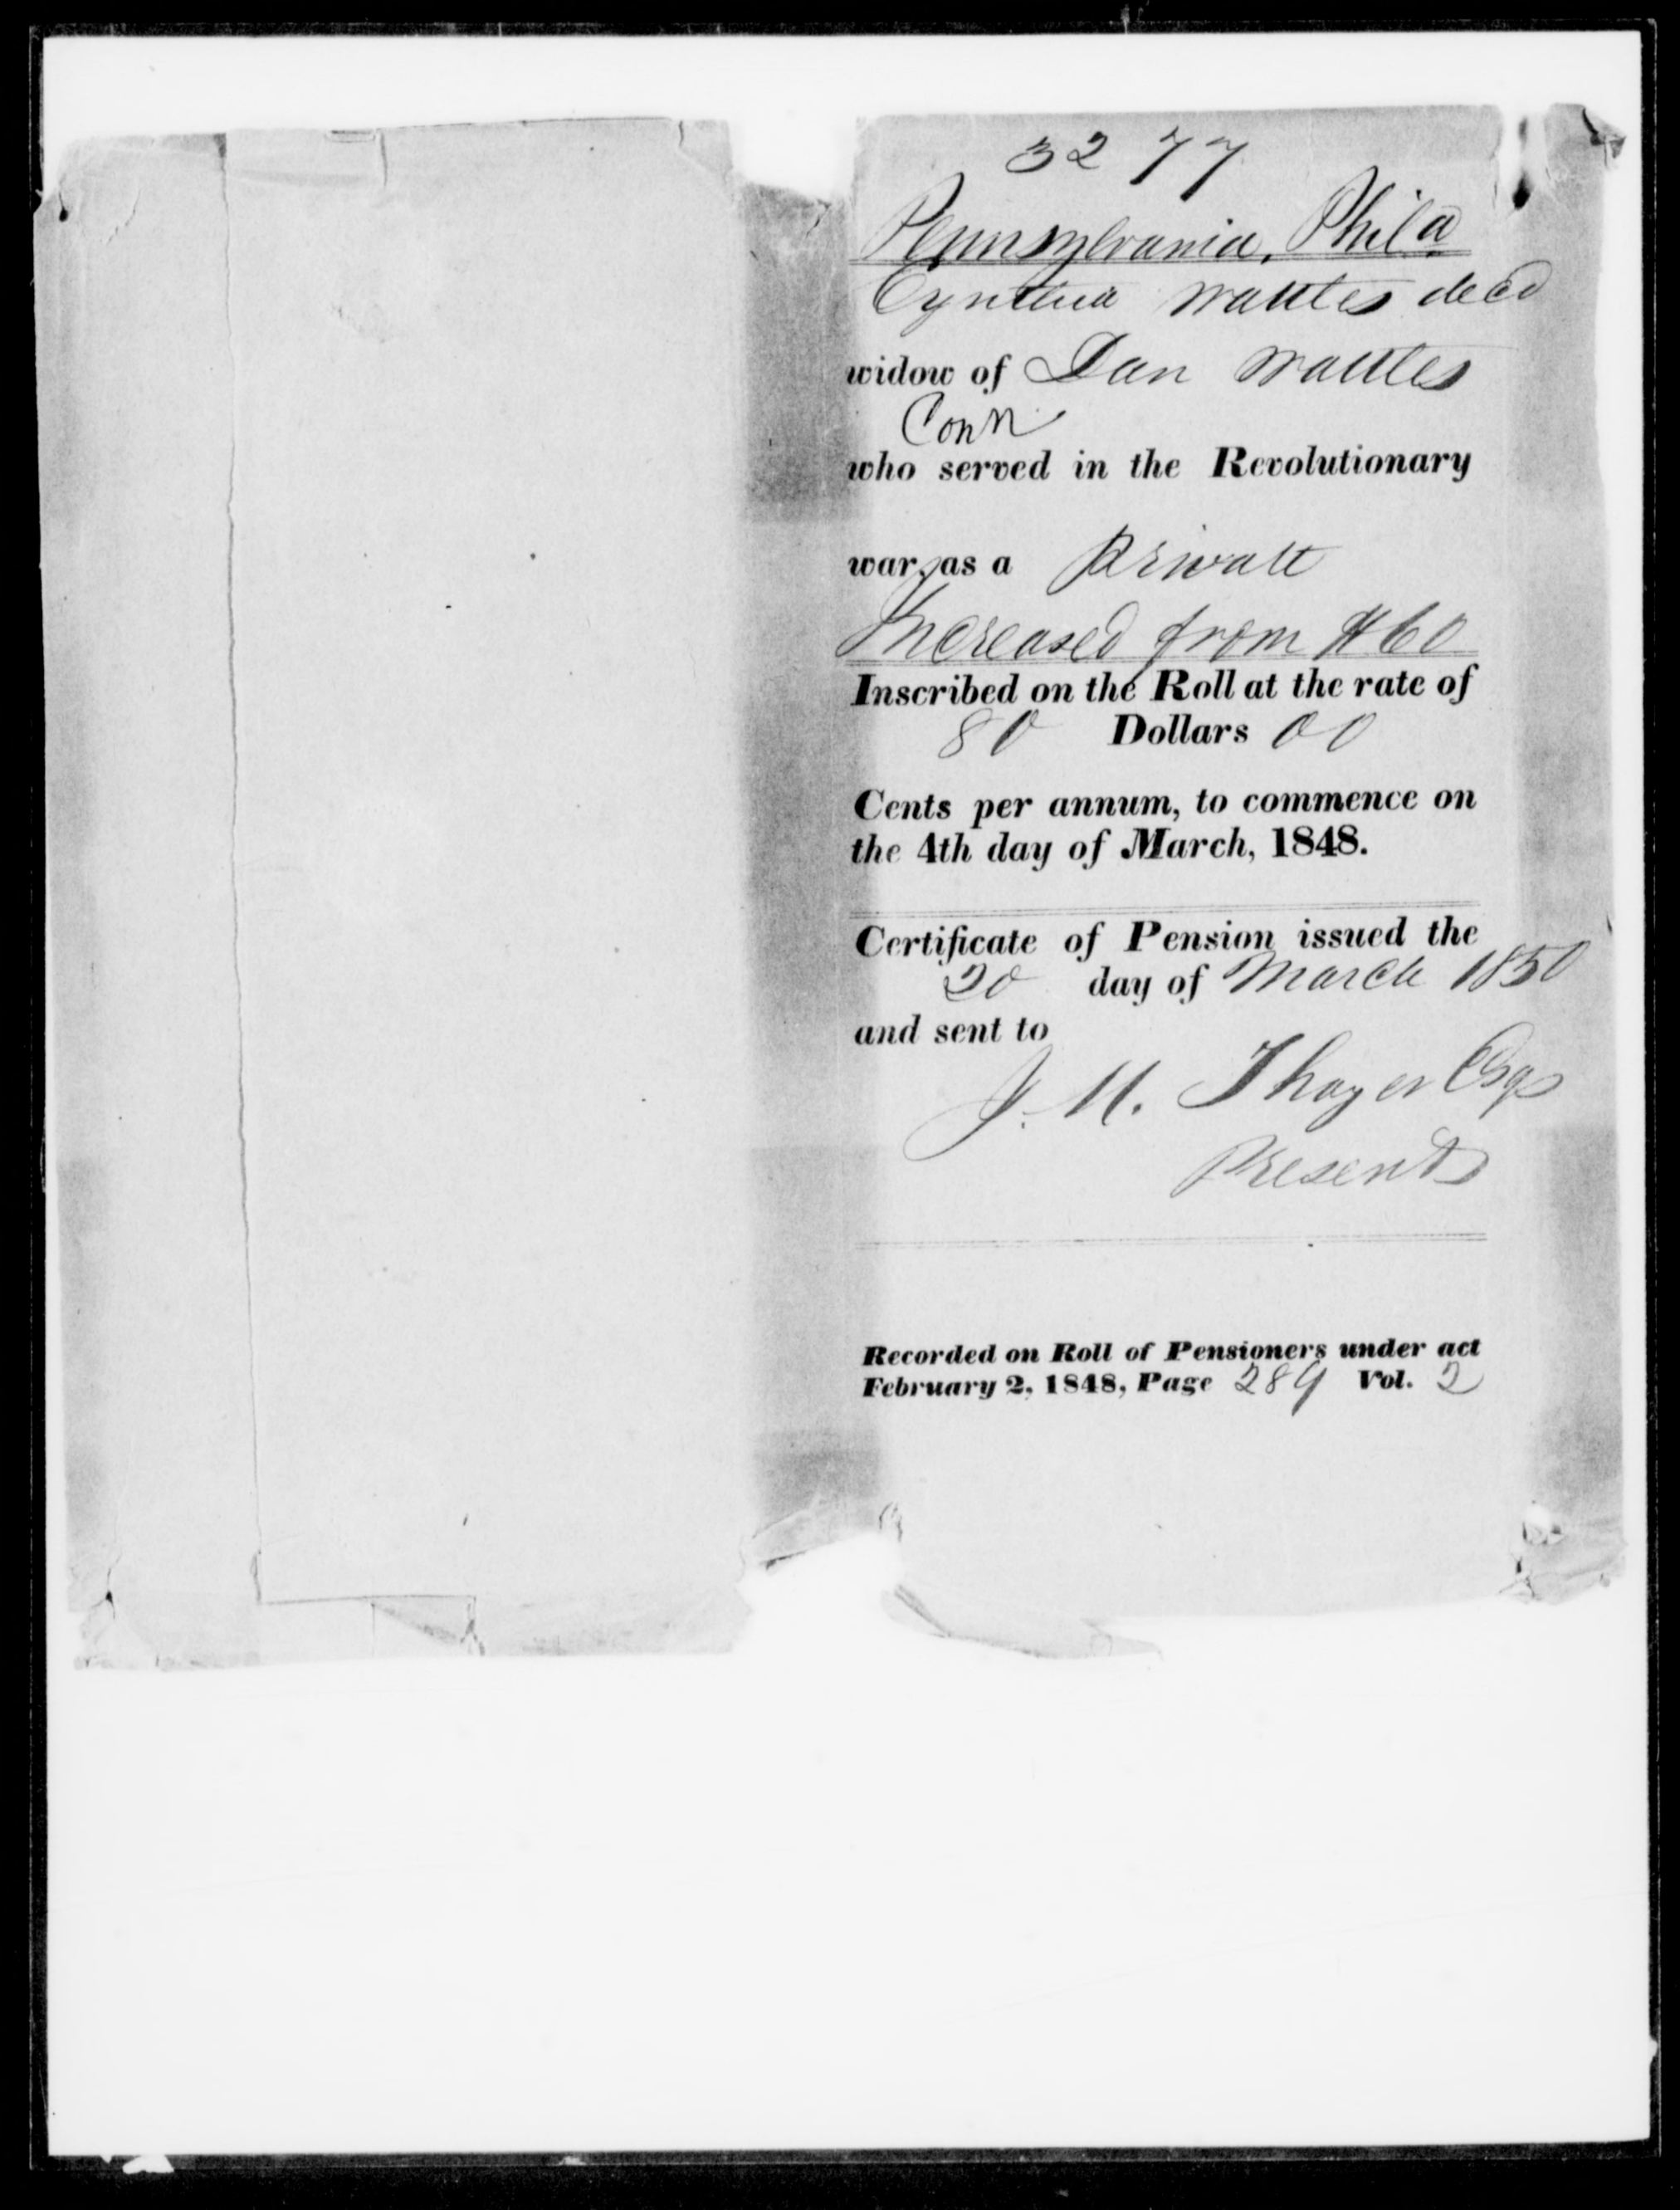3277
Pennsylvania, Phila
----------------------------------------------------
Cynthia Wattles decd
widow of Dan Wattles
Conn
who served in the Revolutionary 
war as a private
Increased from $60
----------------------------------------------------
Inscribed on the Roll at the rate of 
80  Dollars    00
Cents per annum, to commence on
the 4th day of March, 1848.
---------------------------------------------------
Certificate of Pension issued the
 20 day of March 1850
and sent to
J. M. Thayer Esq.
present
---------------------------------------------------
Recorded on Roll of Pensioners under act 
February 2, 1848,   Page 289    Vol. 2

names: J M Thayer, Dan Wattles, Cynthia Wattles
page: 3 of 70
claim: widow's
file: W. 3743, Dan Wattles, Conn.